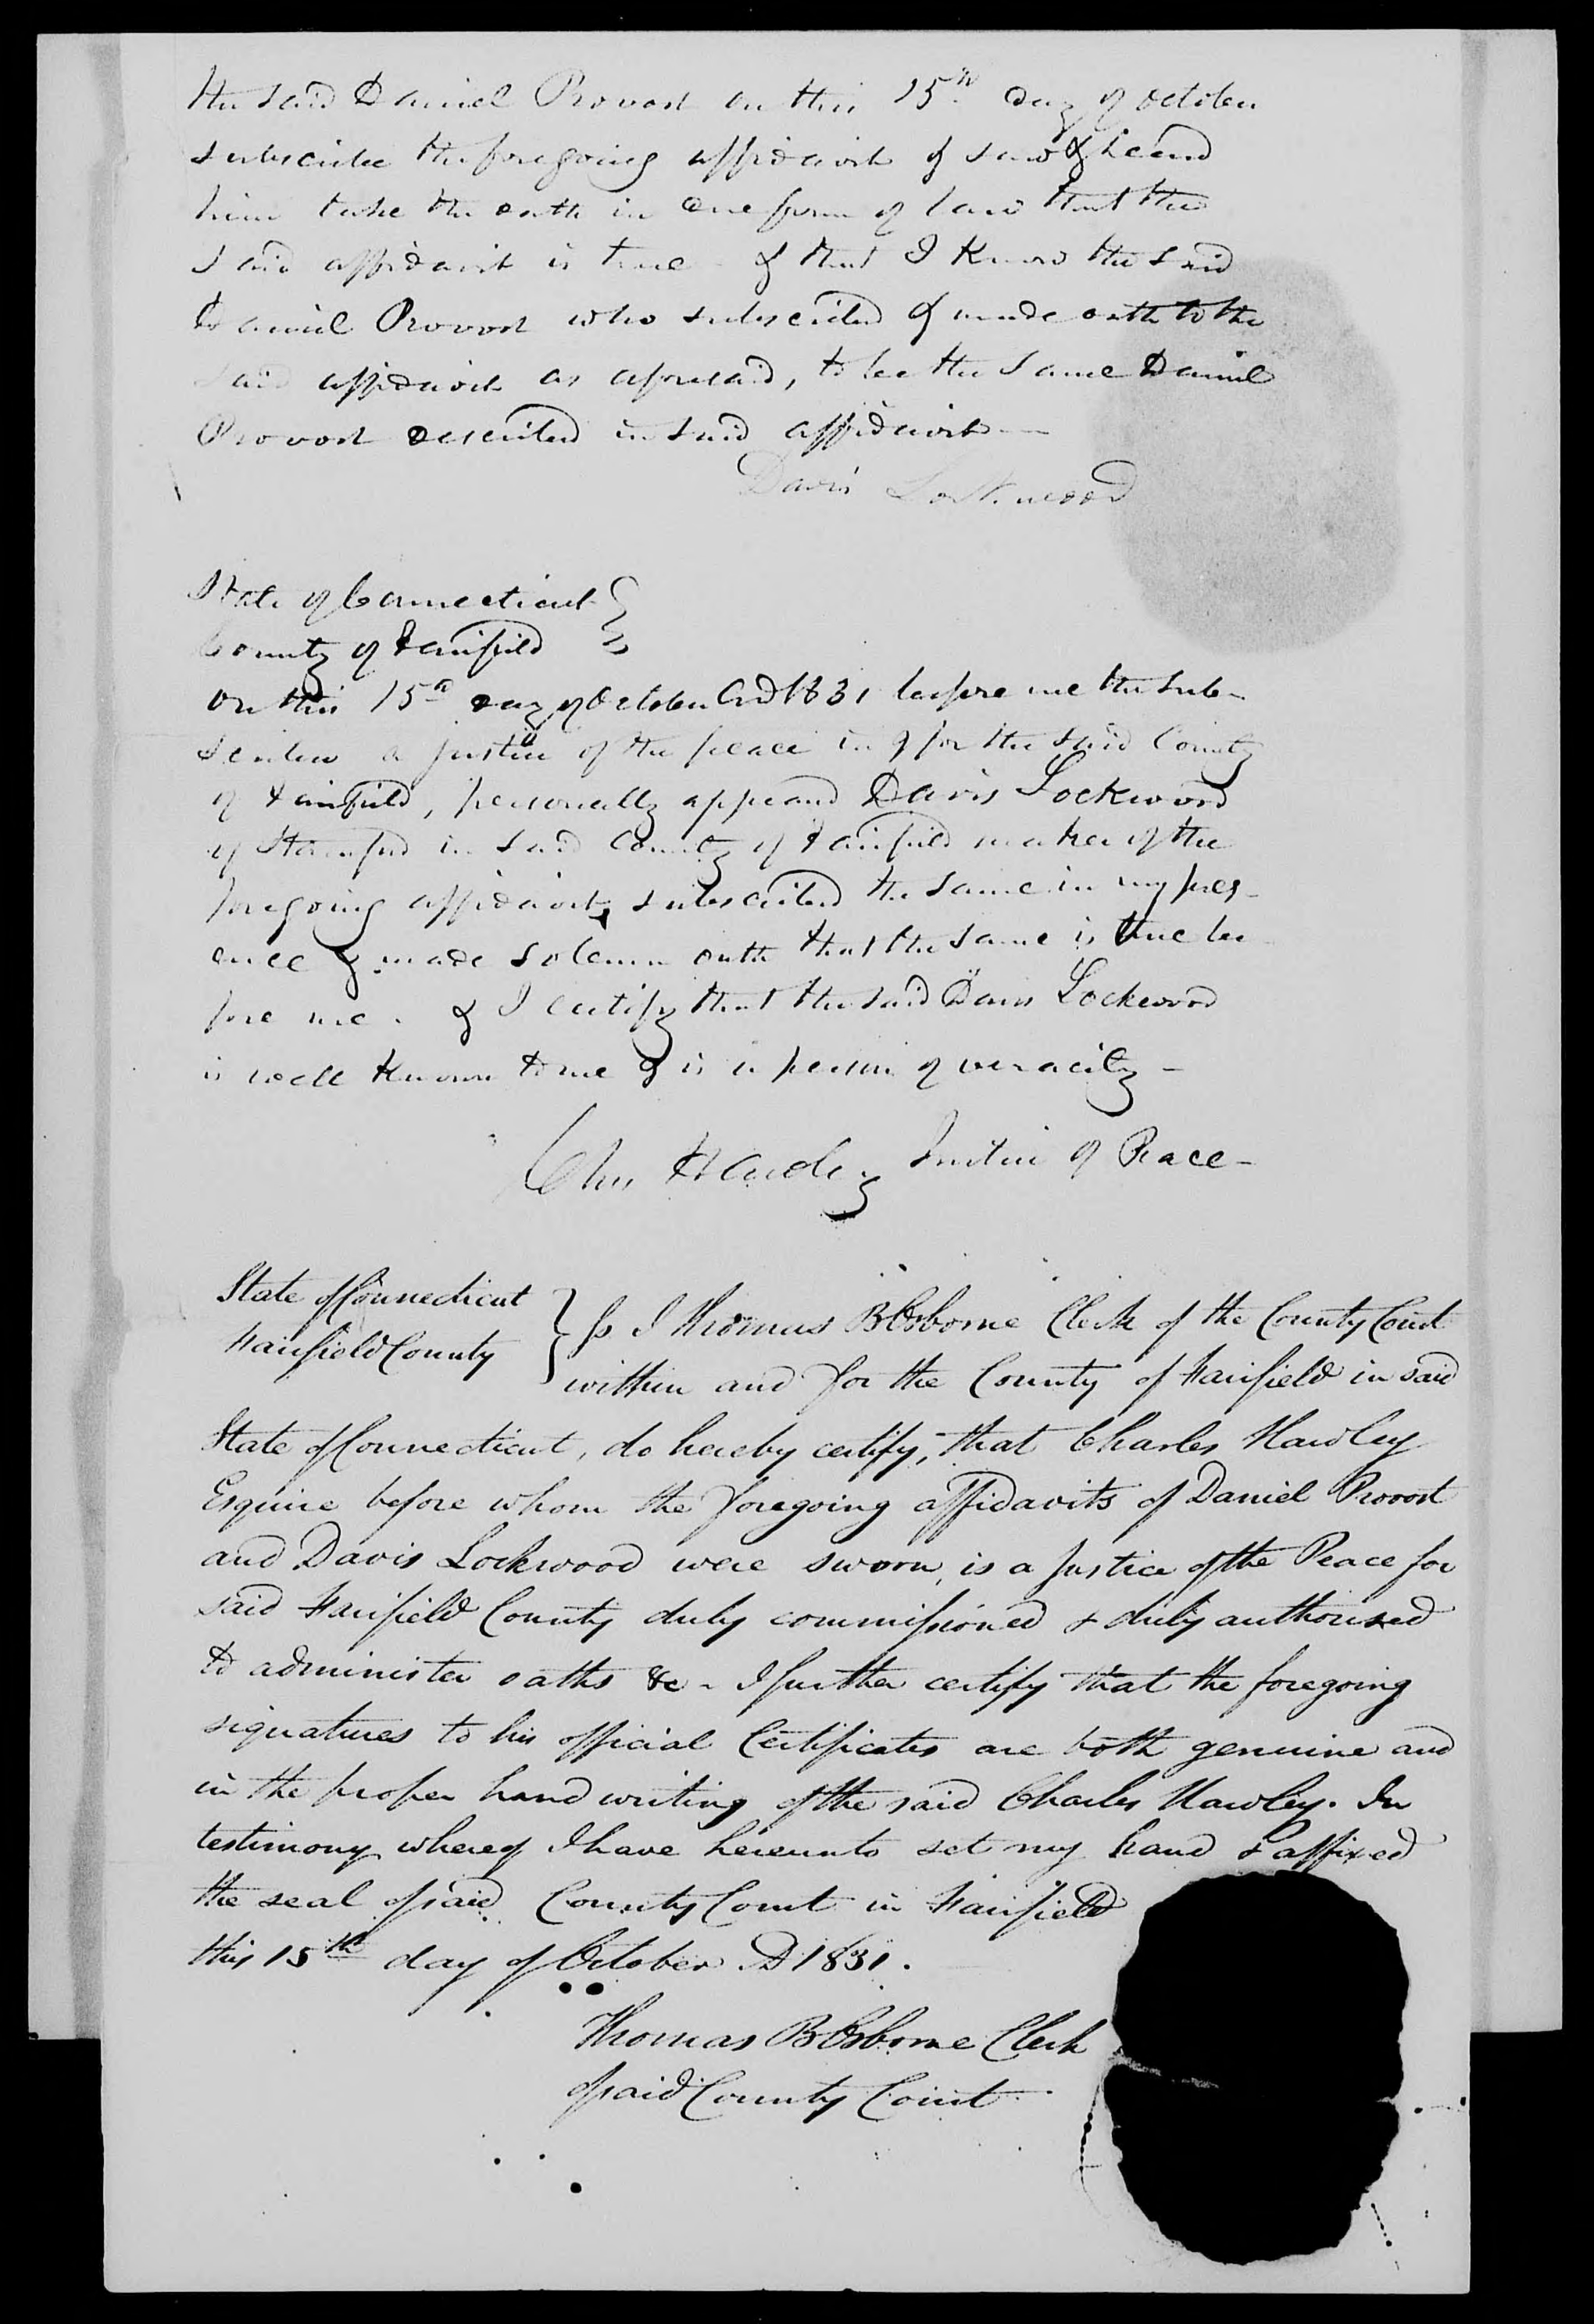State of Connecticut }
County of Fairfield }
on this 15th day of October Ad 1831 before me the subscriber 
a Justice of the peace in & for the said County
of Fairfield, personally appeared Davis Lockwood
of Stamford in said County of Fairfield maker of the
foregoing affidavit & subscribed the same in my presence
& made solemn oath that the same is true before
me & I certify that the said Davis Lockwood
is well known to me & is a person of veracity -
Chs Hawley Justice of Peace
State of Connecticut }
Fairfield County } ss I Thomas B Osborne Clerk of the County Court
within and for the County of Fairfield in said
State of Connecticut, do hereby certify that Charles Hawley
Esquire before whom the foregoing affidavits of Daniel Provost
and Davis Lockwood were sworn is a Justice of the Peace for
said Fairfield County duly commissioned & duly authorized
to administer oaths &c. I further certify that the foregoing
signatures to his official Certificates are both genuine and
in the proper hand writing of the said Charles Hawley. In
testimony whereof I have hereunto set my hand & affixed
the seal of said County Court in Fairfield
this 15th day of October AD 1831
Thomas B Osborne Clerk
of said County Court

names: Thomas B Osborne; Daniel Provost; Davis Lockwood; Charles Hawley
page: 17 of 24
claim: survivor's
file: S. 20,926, for Daniel Provost, Connecticut